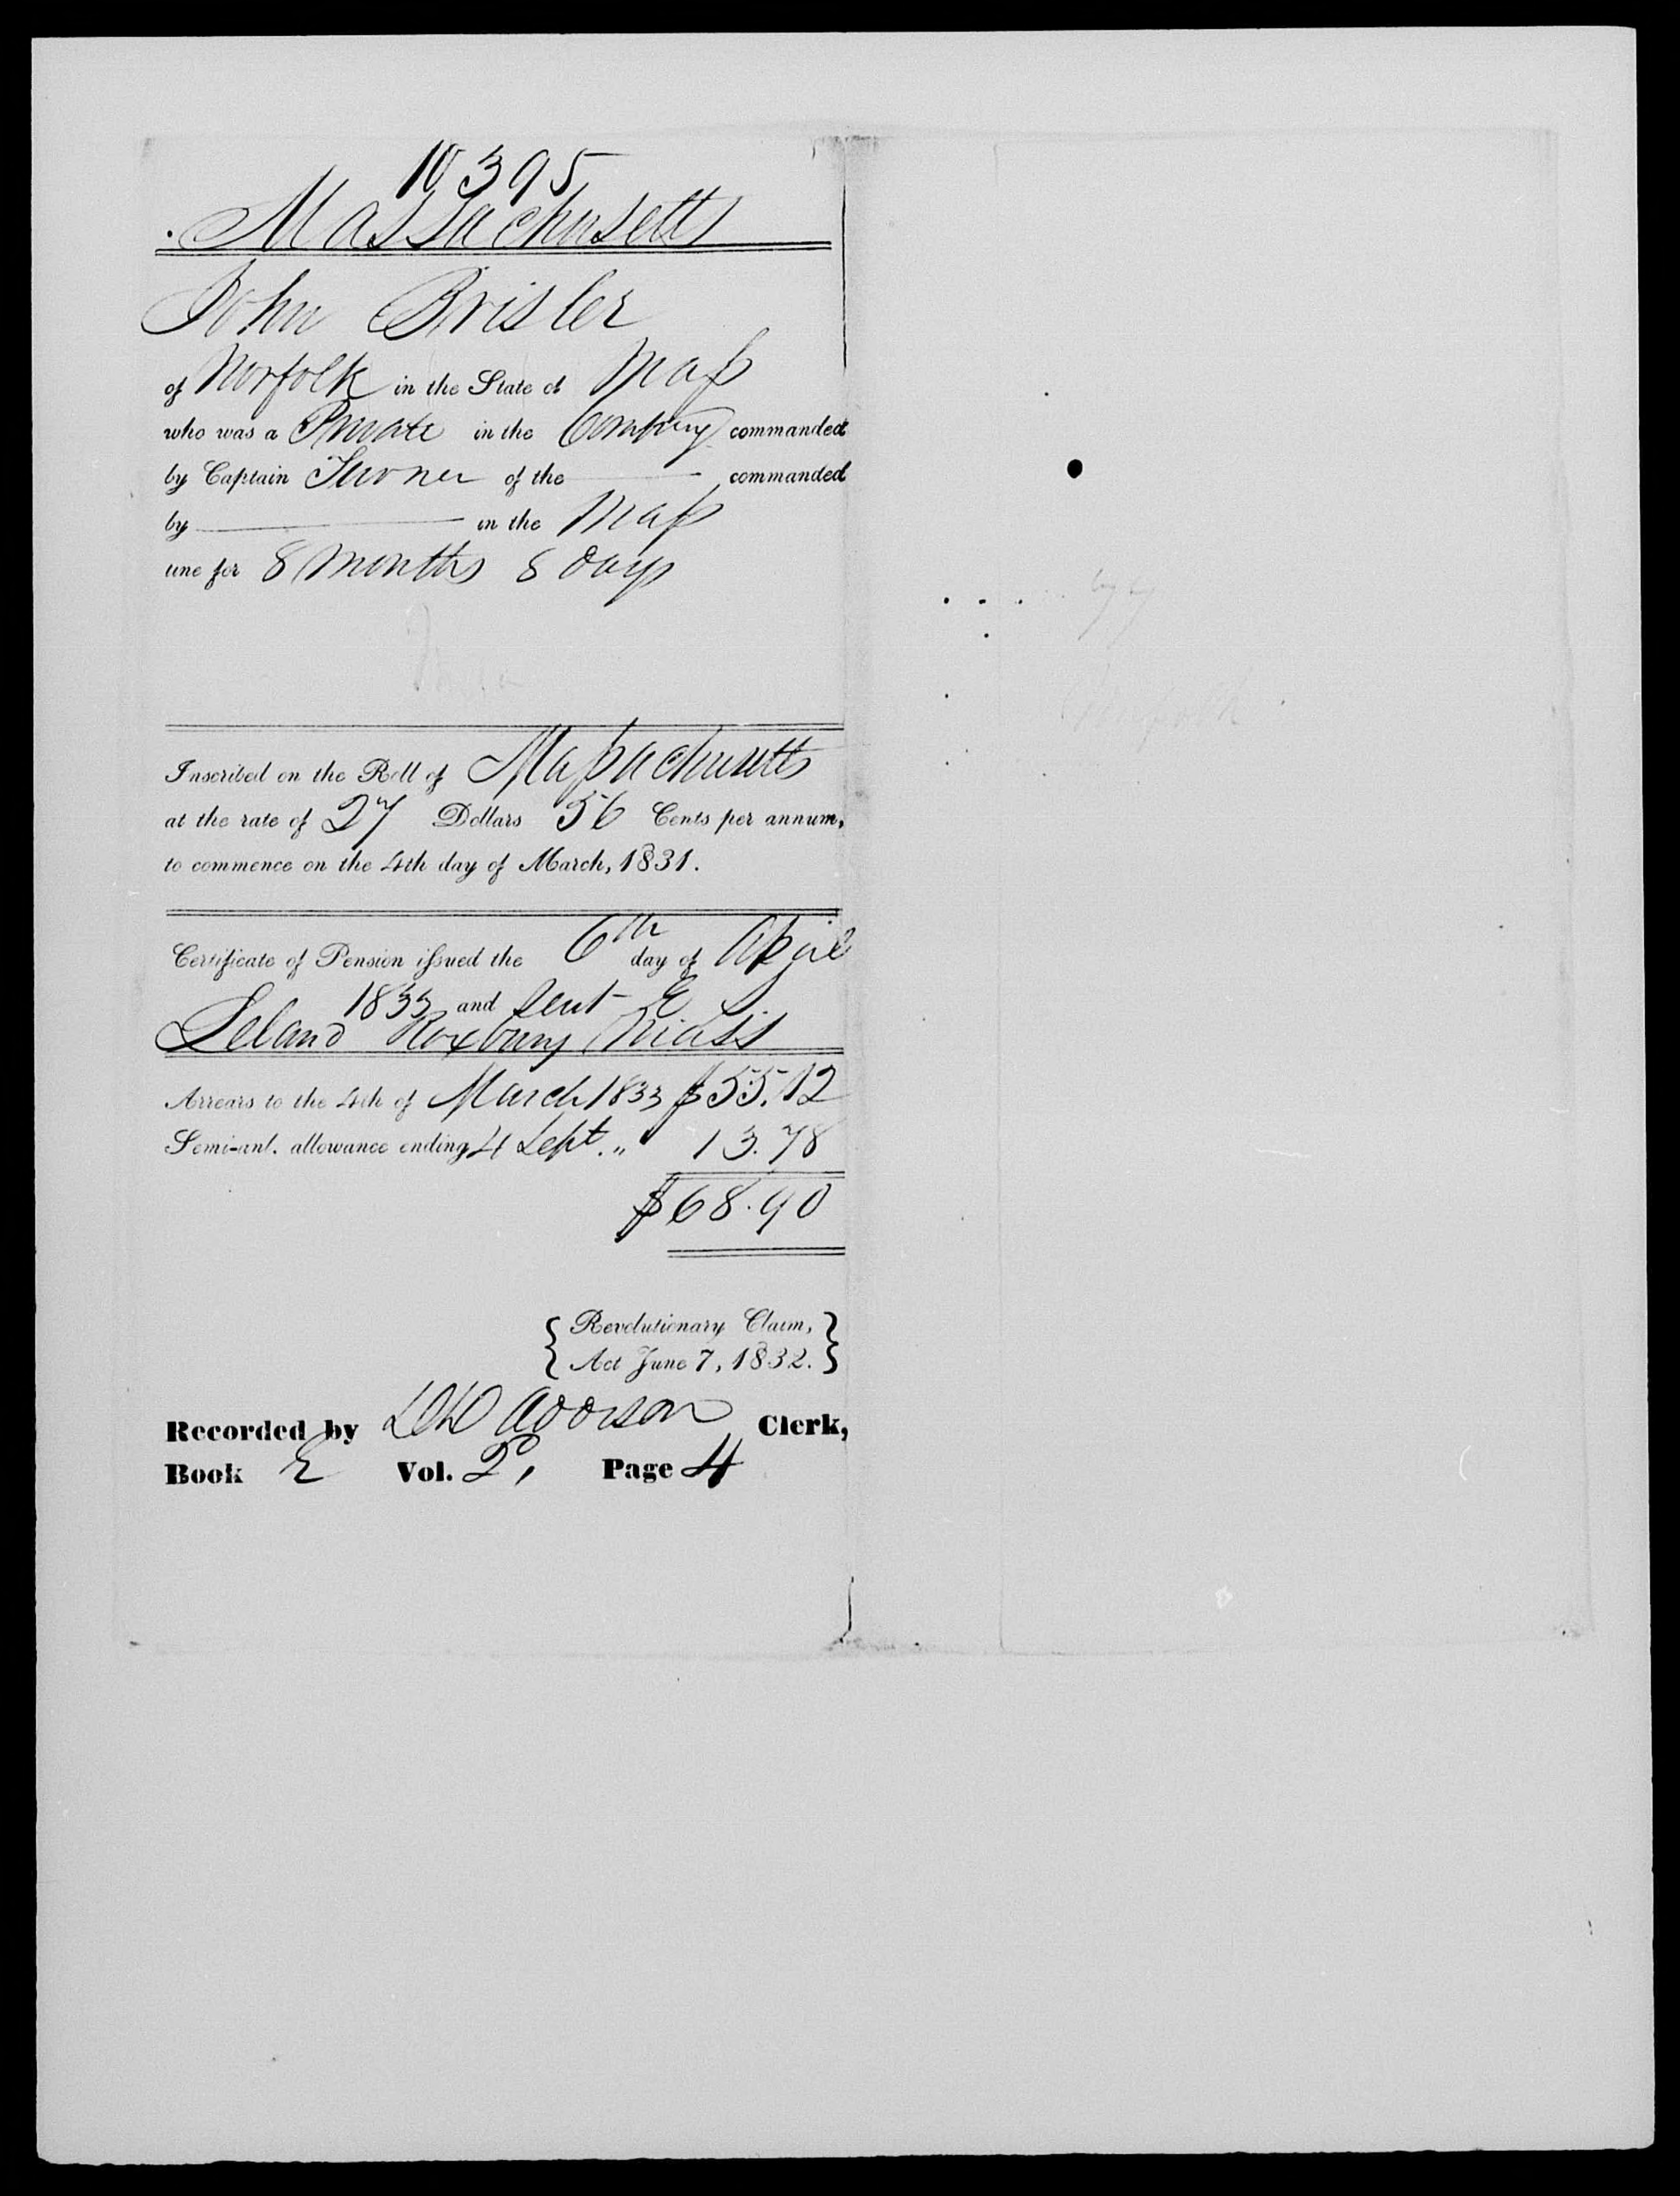10395
Massachusetts
John Brisler
of Norfolk in the State of Mass
who was a Private in the Company commanded 
by Captain Turner of the     , commanded
by      in the Mass
line for 8 months 8 days
Inscribed on the Roll of Massachusetts
at the rate of 27 Dollars 56 Cents per annum,
to commence on the 4th day of March, 1831.
Certificate of Pension issued the 6th day of April 1833 and sent E. S. Leland  Roxbury Mass
Arrears to the 4th of March 1833  $55.12
Semi-anl. allowance ending 4 Sept  13.78
$68.90
{Revolutionary Claim,}
{Act June 7, 1832.}
Recorded by D. D. Addison Clerk
Book E  Vol. 2nd  Page 4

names: D D Addison, E S Leland, John Brisler, Turner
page: 2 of 46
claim: widow's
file: W. 23,673, John Brisler, Mass.